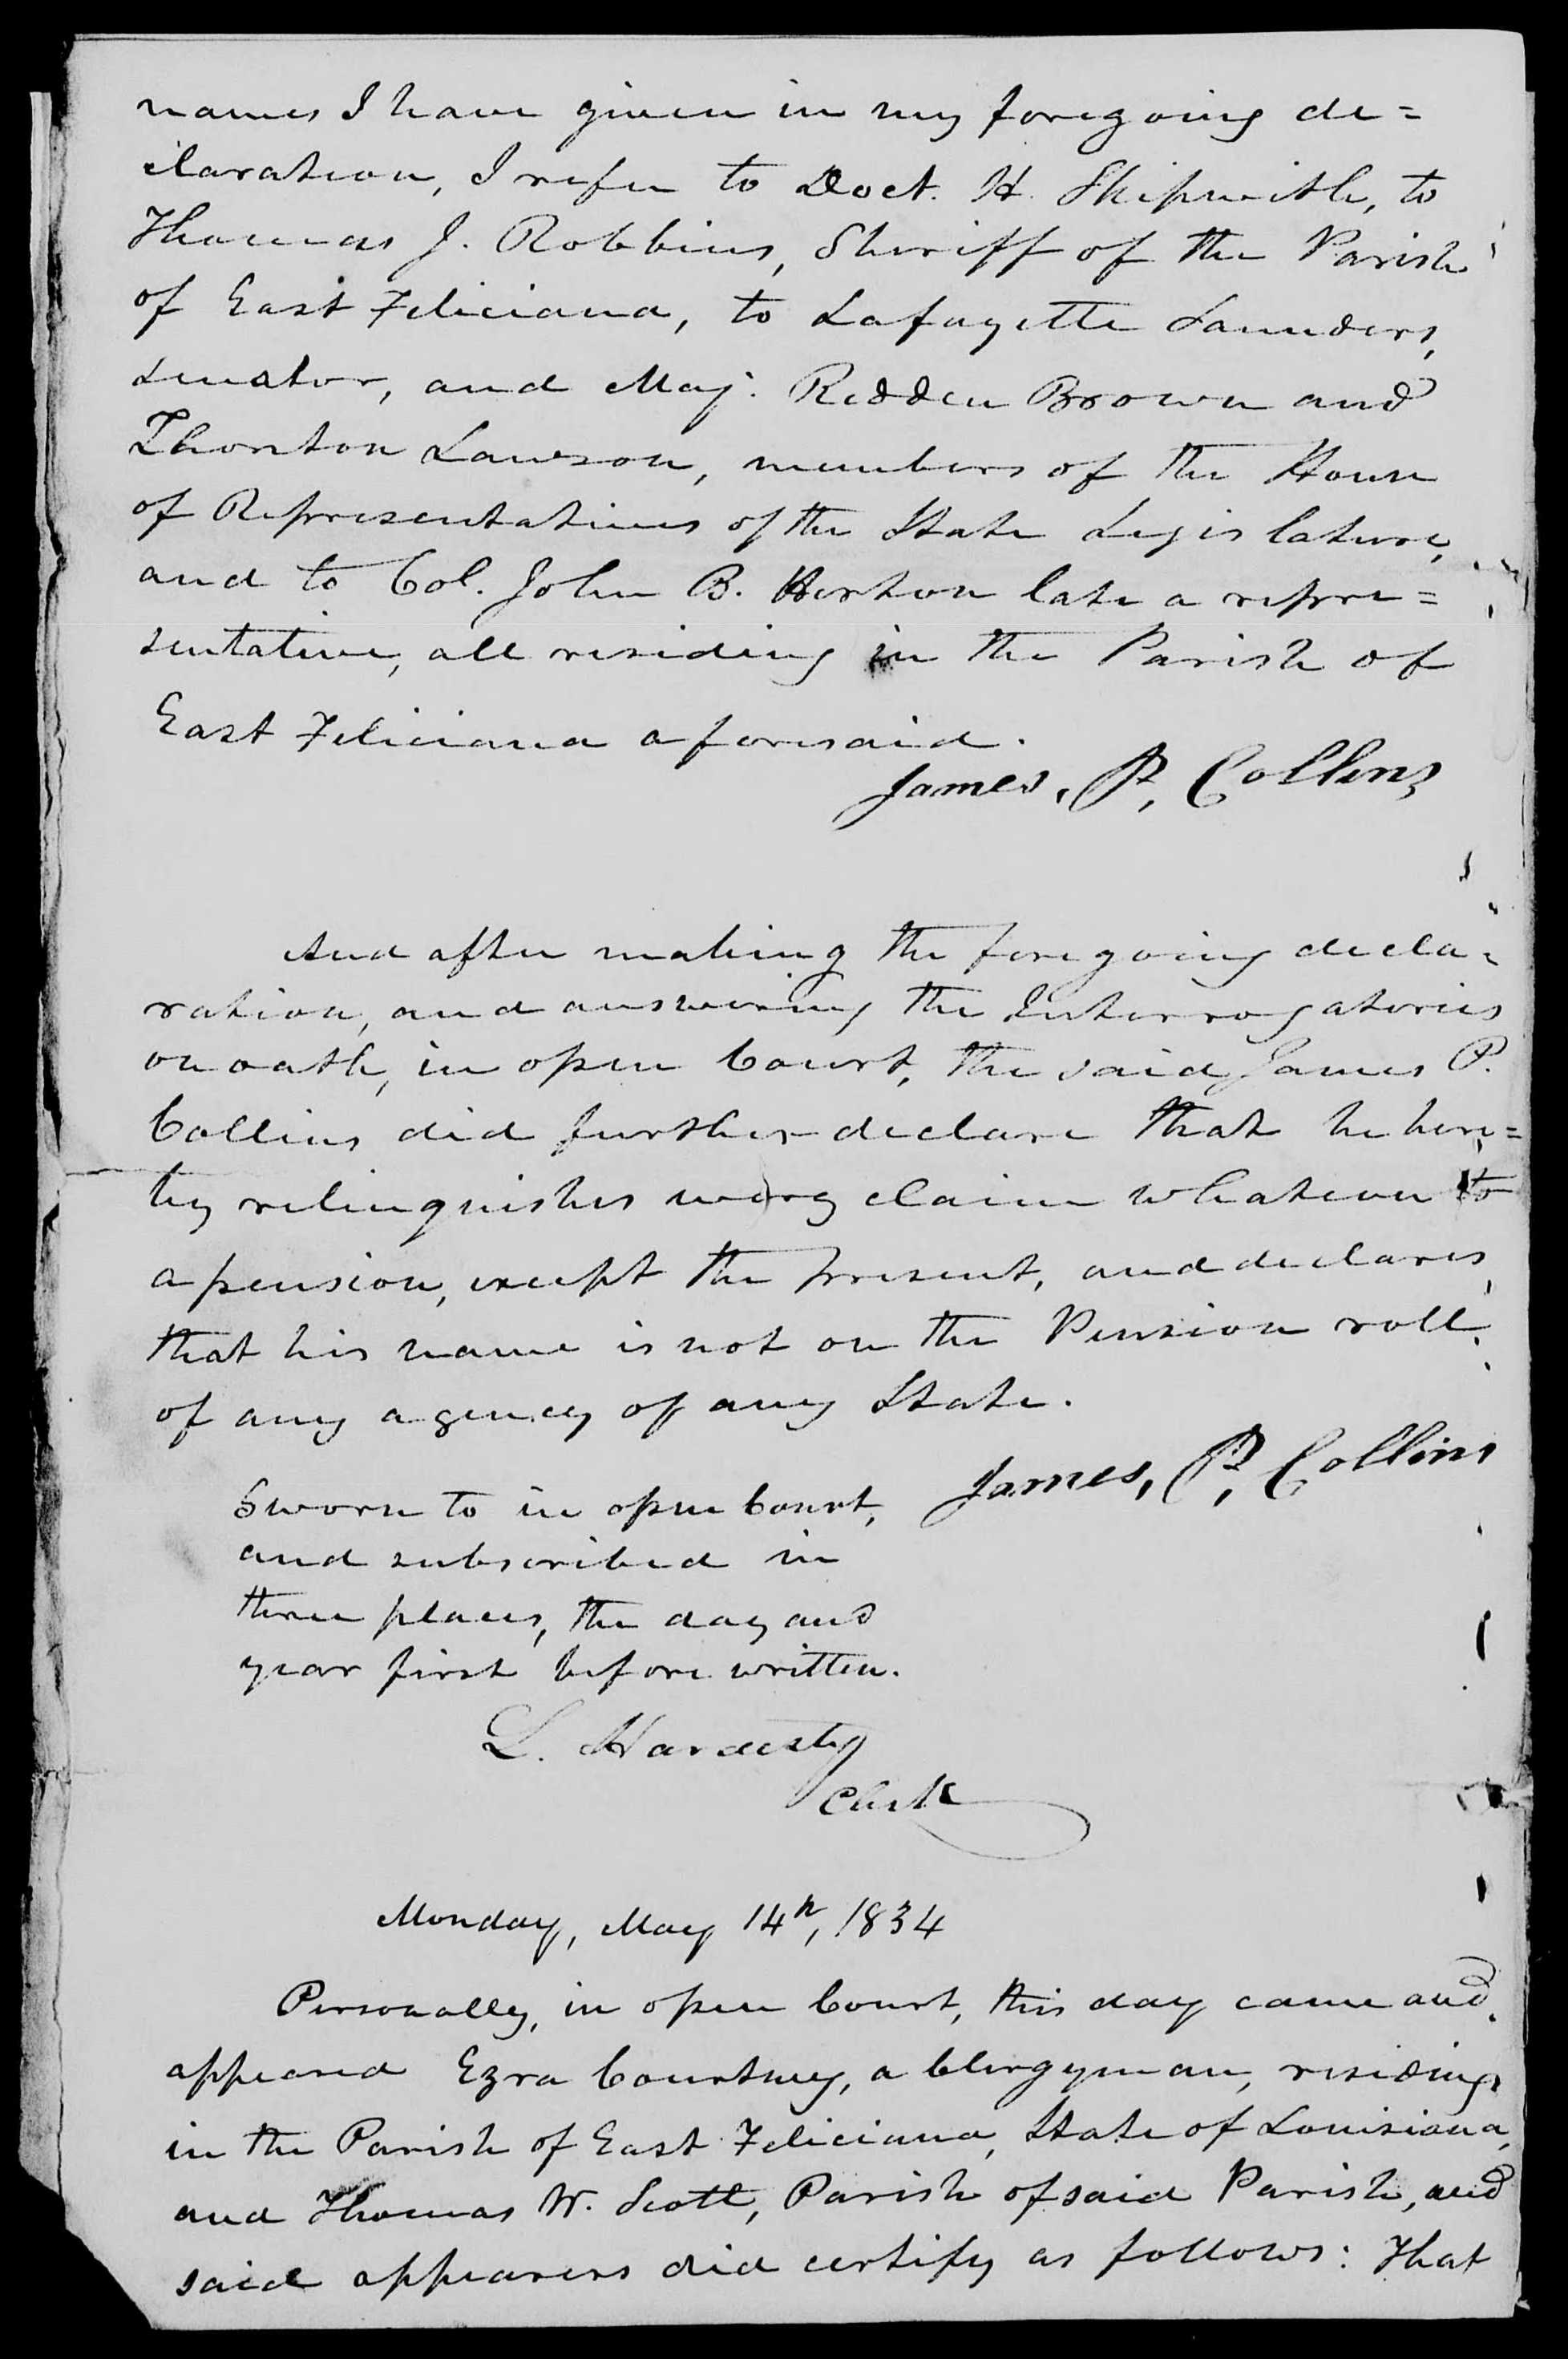names I have given in my foregoing declaration, I refer to Doct. H. Shipwith, to Thomas J. Robbins, Sheriff of the Parish of East Feliciana, to Lafayette Saunders senator, and Maj. Ridden Brown and
Thomson Lawson, members of the House of Representatives of the State Legislature and to Col. John B. Horton late a representative, all residing in the Parish of East Feliciana aforesaid
[signed] James P. Collins

And after making the foregoing declaration, and answering the interrogatories on oath in open Court, the said James P. Collins did further declare that he hereby relinquishes any claim whatever to pension except the present, and declares of his name is not on the Pension roll any agency of any State
[signed] James P. Collins

Sworn to in open Court, and subscribed in three places, the day and year first before written
L. Hardesty Clerk

Monday, May 14th 1834
Personally, in open Court, this day came and appeared Ezra Courtney, a Clergyman residing in the 
Parish of East Feliciana, State of Louisiana and Thomas W. Scott, Parish of said Parish, and appearers did certify as follows: That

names: Thomas J Robbins, Ezra Courtney, Thonton Lawson, L Hardesty, John B Horton, James P Collins, James P Collins, H Shipwith, James P Collins, Lafayette Launders, Redden Brown, Thomas W Scott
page: 7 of 48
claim: rejected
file: R. 2173, James P Collins, S. C.